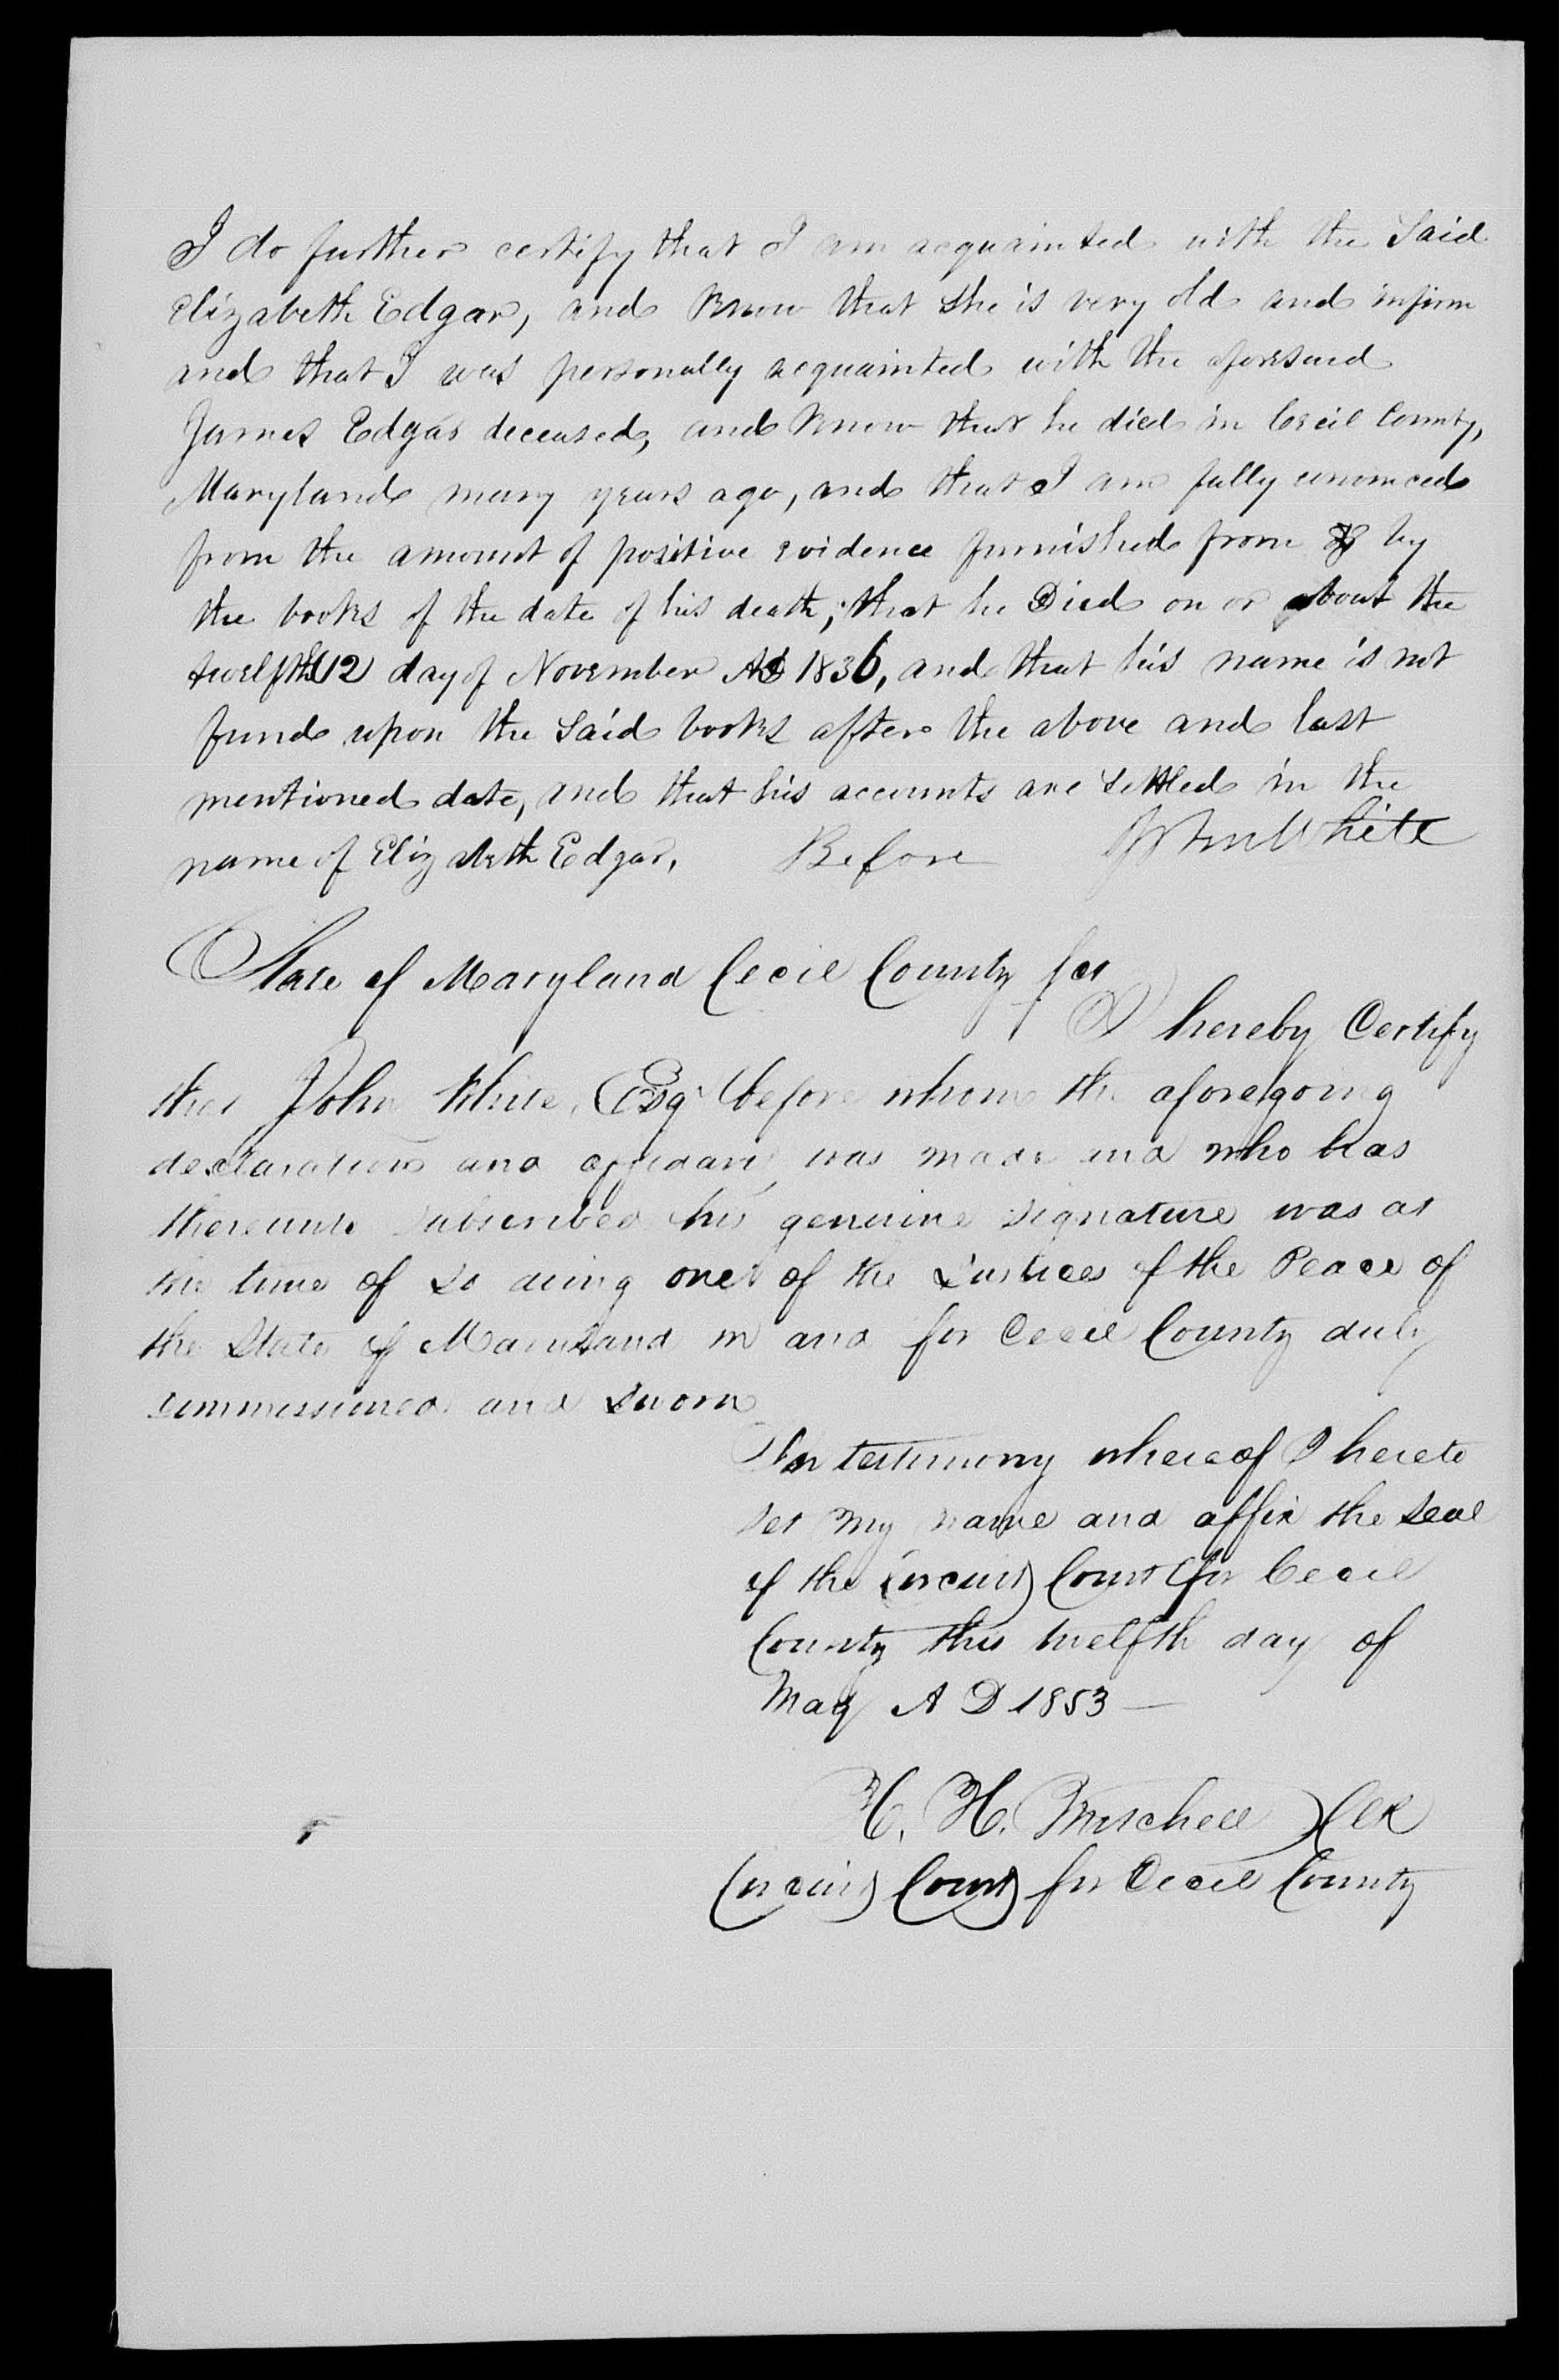I do further certify that I am acquainted with the said
Elizabeth Edgar, and know that she is very old and infirm
and that I was personally acquainted with the aforesaid
James Edgar deceased, and know that he died in Cecil County
Maryland many years ago, and that I am fully convinced
from the amount of positive evidence furnished from by
the books of the date of his death; that he died on or about the
twelfth 12 day of November AD 1836, and that his name is not
found upon the said books after the above and last
mentioned date, and that his accounts are settled in the
name of Elizabeth Edgar
Before
John White
State of Maryland Cecil County
for
I hereby certify
this John White, Esq before whom the aforegoing declaration and affidavit was made and who has
thereunto subscribed his genuine signature was at
the time of so doing one of the Justices of the Peace of
the State of Maryland in and for Cecil County duly
commissioned and sworn
In testimony whereof I hereto
set my name and affix the seal
of the Circuit Court for Cecil
County this twelfth day of
May A D 1853-
H. H. Mitchell Clk
said Court for Cecil County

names: Elizabeth Edgar, Elizabeth Edgar, John White, H H Mitchell, James Edgar, John White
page: 49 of 74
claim: widow's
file: W. 9422, James Edgar, Penn.